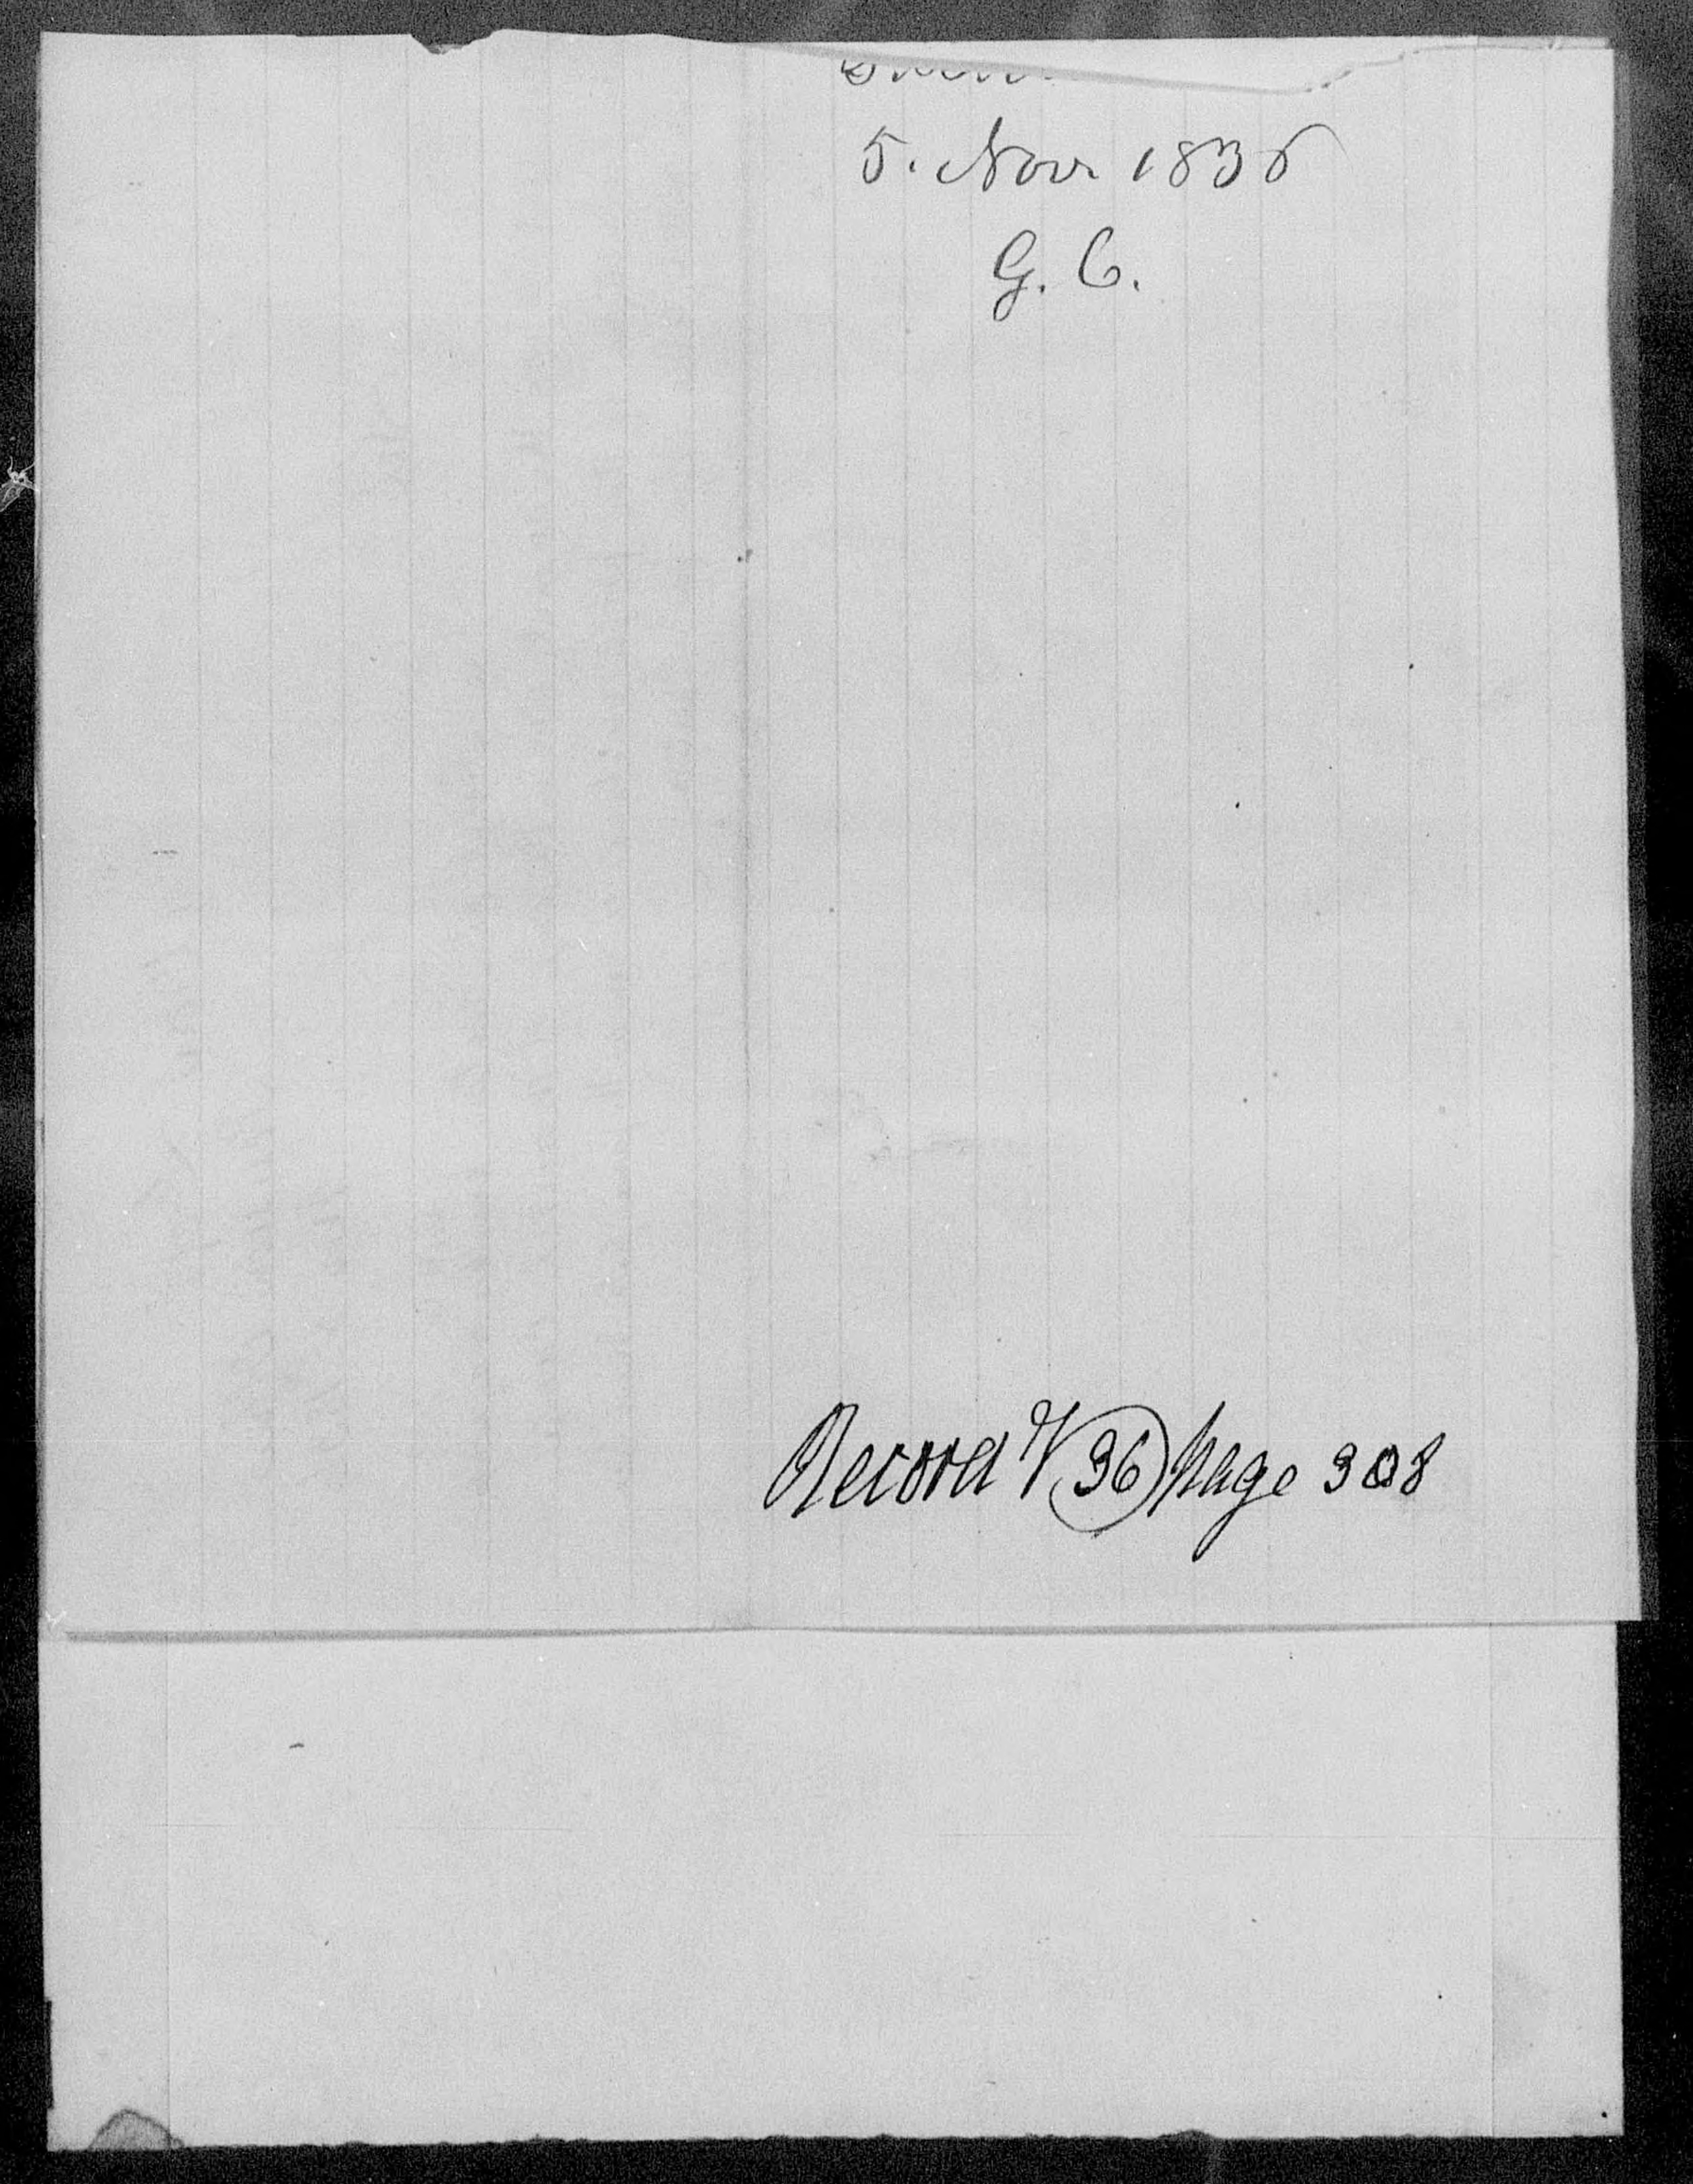5 Nov. 1838  G. C.

Record of 36 page  308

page: 30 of 52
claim: survivor's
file: S. 34172, Morris D Camp, Continental (New Jersey)